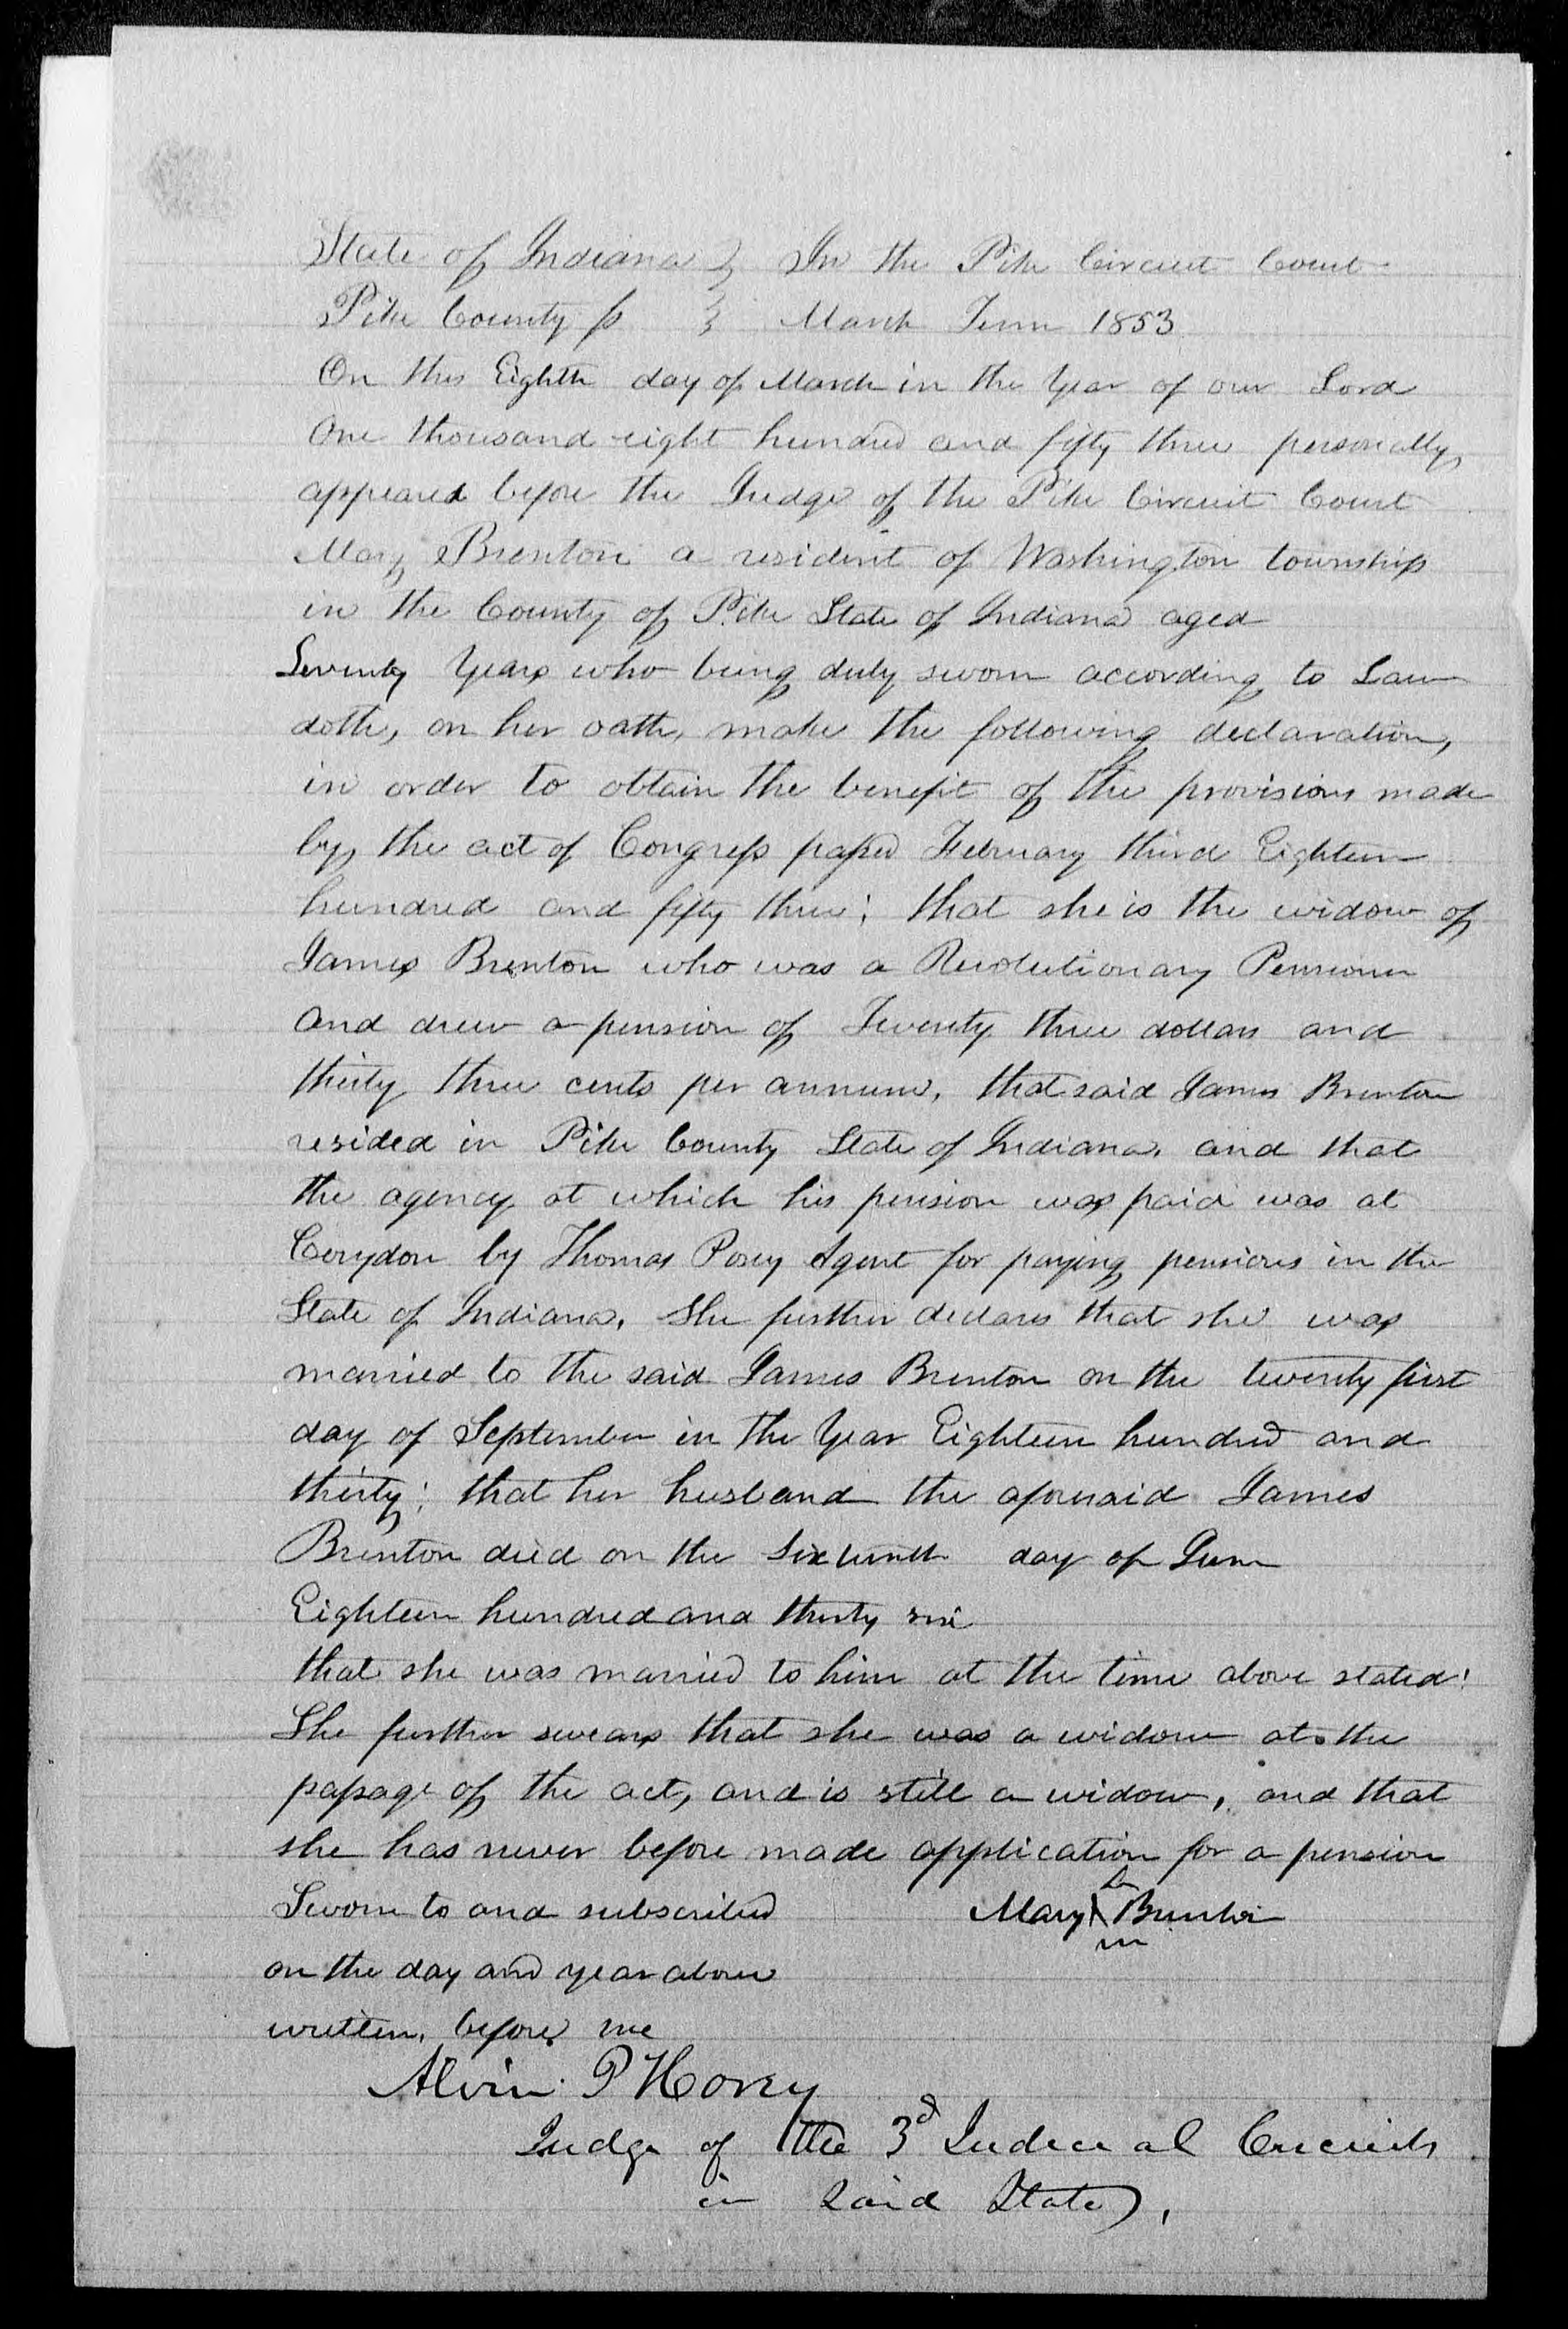State of Indiana} In the Pike Circuit Court
Pike County} March Term 1853
On the Eighth day of March in the year of our Lord one thousand eight hundred and fifty-three personally appeared before the Judge of the Pike Circuit Court Mary Brenton a resident of Washington township in the County of Pike State of Indiana aged seventy years who being duly sworn according to law doth, on her oath, make the following declaration, in order to obtain the benefit of the provisions made by the act of Congress passed February third Eighteen hundred and fifty three: that she is the widow of James Brenton who was a Revolutionary Pensioner and drew a pension of Twenty three dollars and thirty three cents per annum, that said James Brenton resided in Pike County State of Indiana and that the agency at which his pension was paid was at Corydon by Thomas Posey Agent for paying pensions in the state of Indiana. She further declares that she was married to the said James Brenton on the twenty first day of September in the year eighteen hundred and thirty; that her husband the aforesaid James Brenton died on the sixteenth day of June eighteen hundred thirty six; that she was married to him at the time above stated. She further swears that she was a widow at the passage of the act, and is still a widow, and that she had never before made application for a pension. Mary [her mark] Brenton
Sworn to and subscribed on the day and year above written before me, Alvin P Hovey Judge of the 3rd Judicial Circuit in said state.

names: James Brenton, Thomas Posey, James Brenton, Alvin P Hovey, James Brenton, Mary Brenton, Mary Brenton, James Brenton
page: 44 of 49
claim: widow's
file: W. 2518, James Brenton, Va.